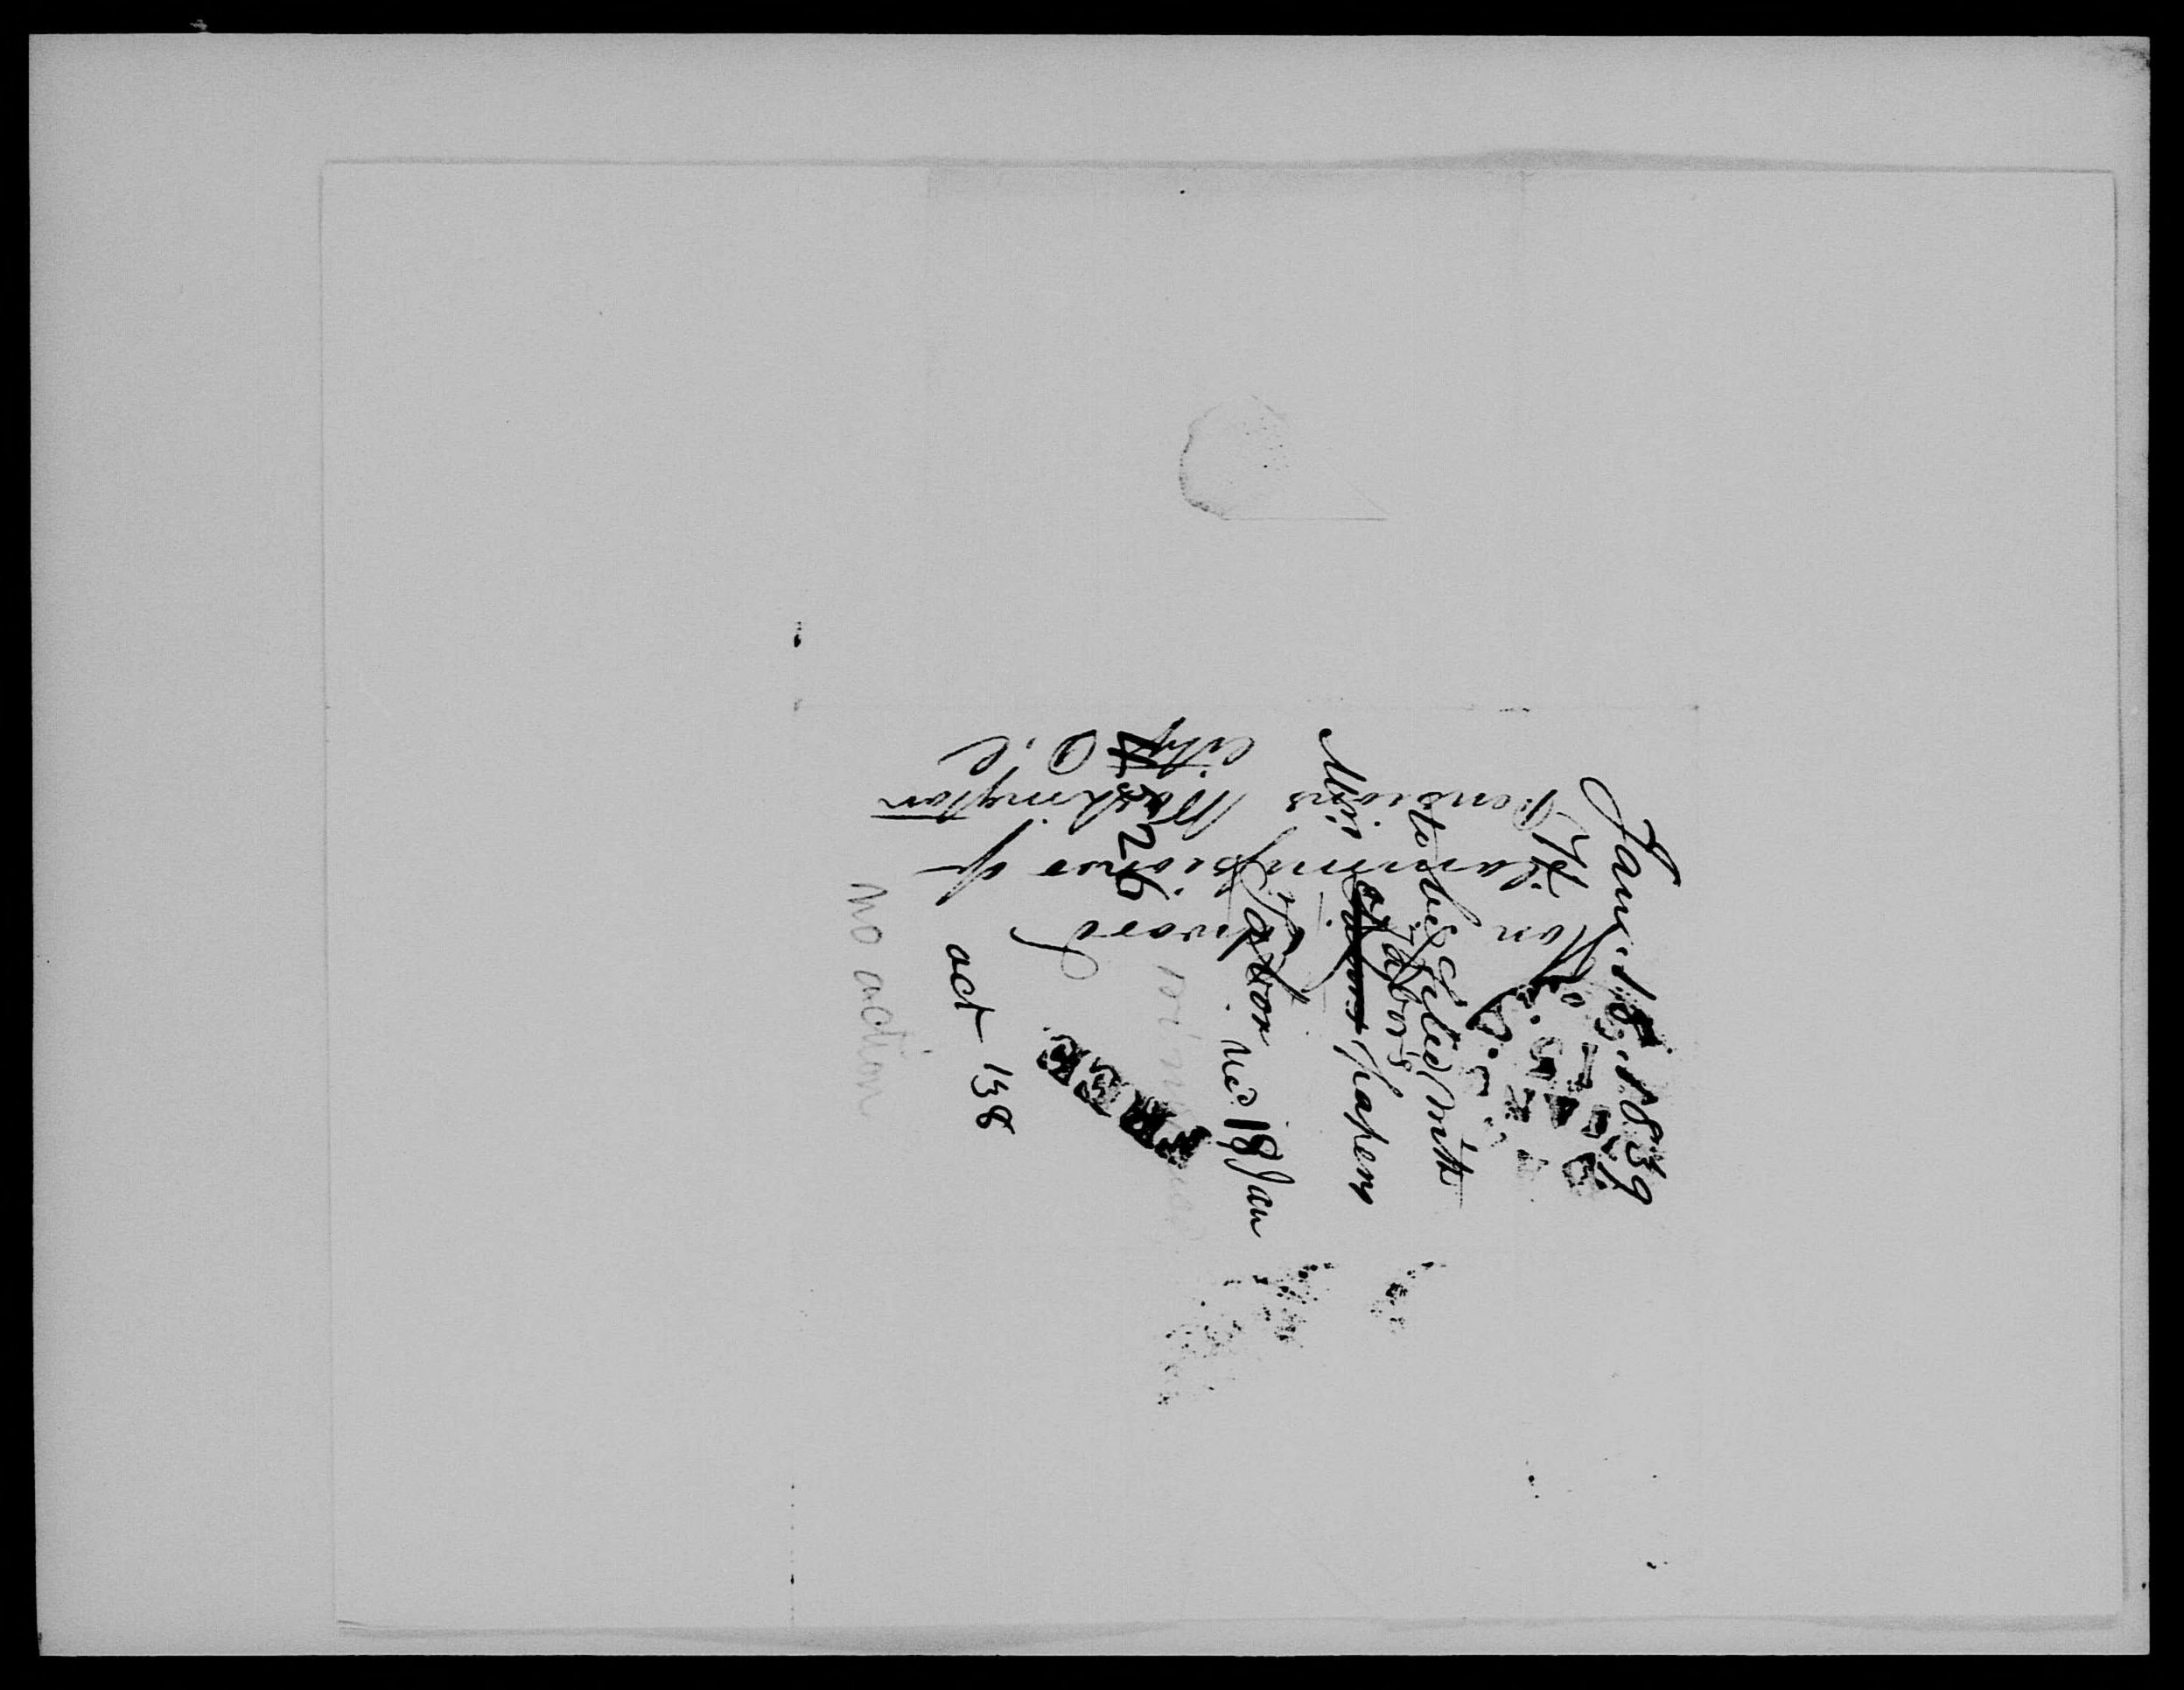Jan 18 1839
Post mark St. Albans Vt, Jan 15
to be filed with Wid. Tabor's papers
Tabor
recd. 18 Jan

Hon. J. L. Edwards
Commissioner of Pensions
Washington City D. C.

Oct '38
no action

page: 17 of 41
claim: widow's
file: W 26507, for Church Tabor, Massachusetts